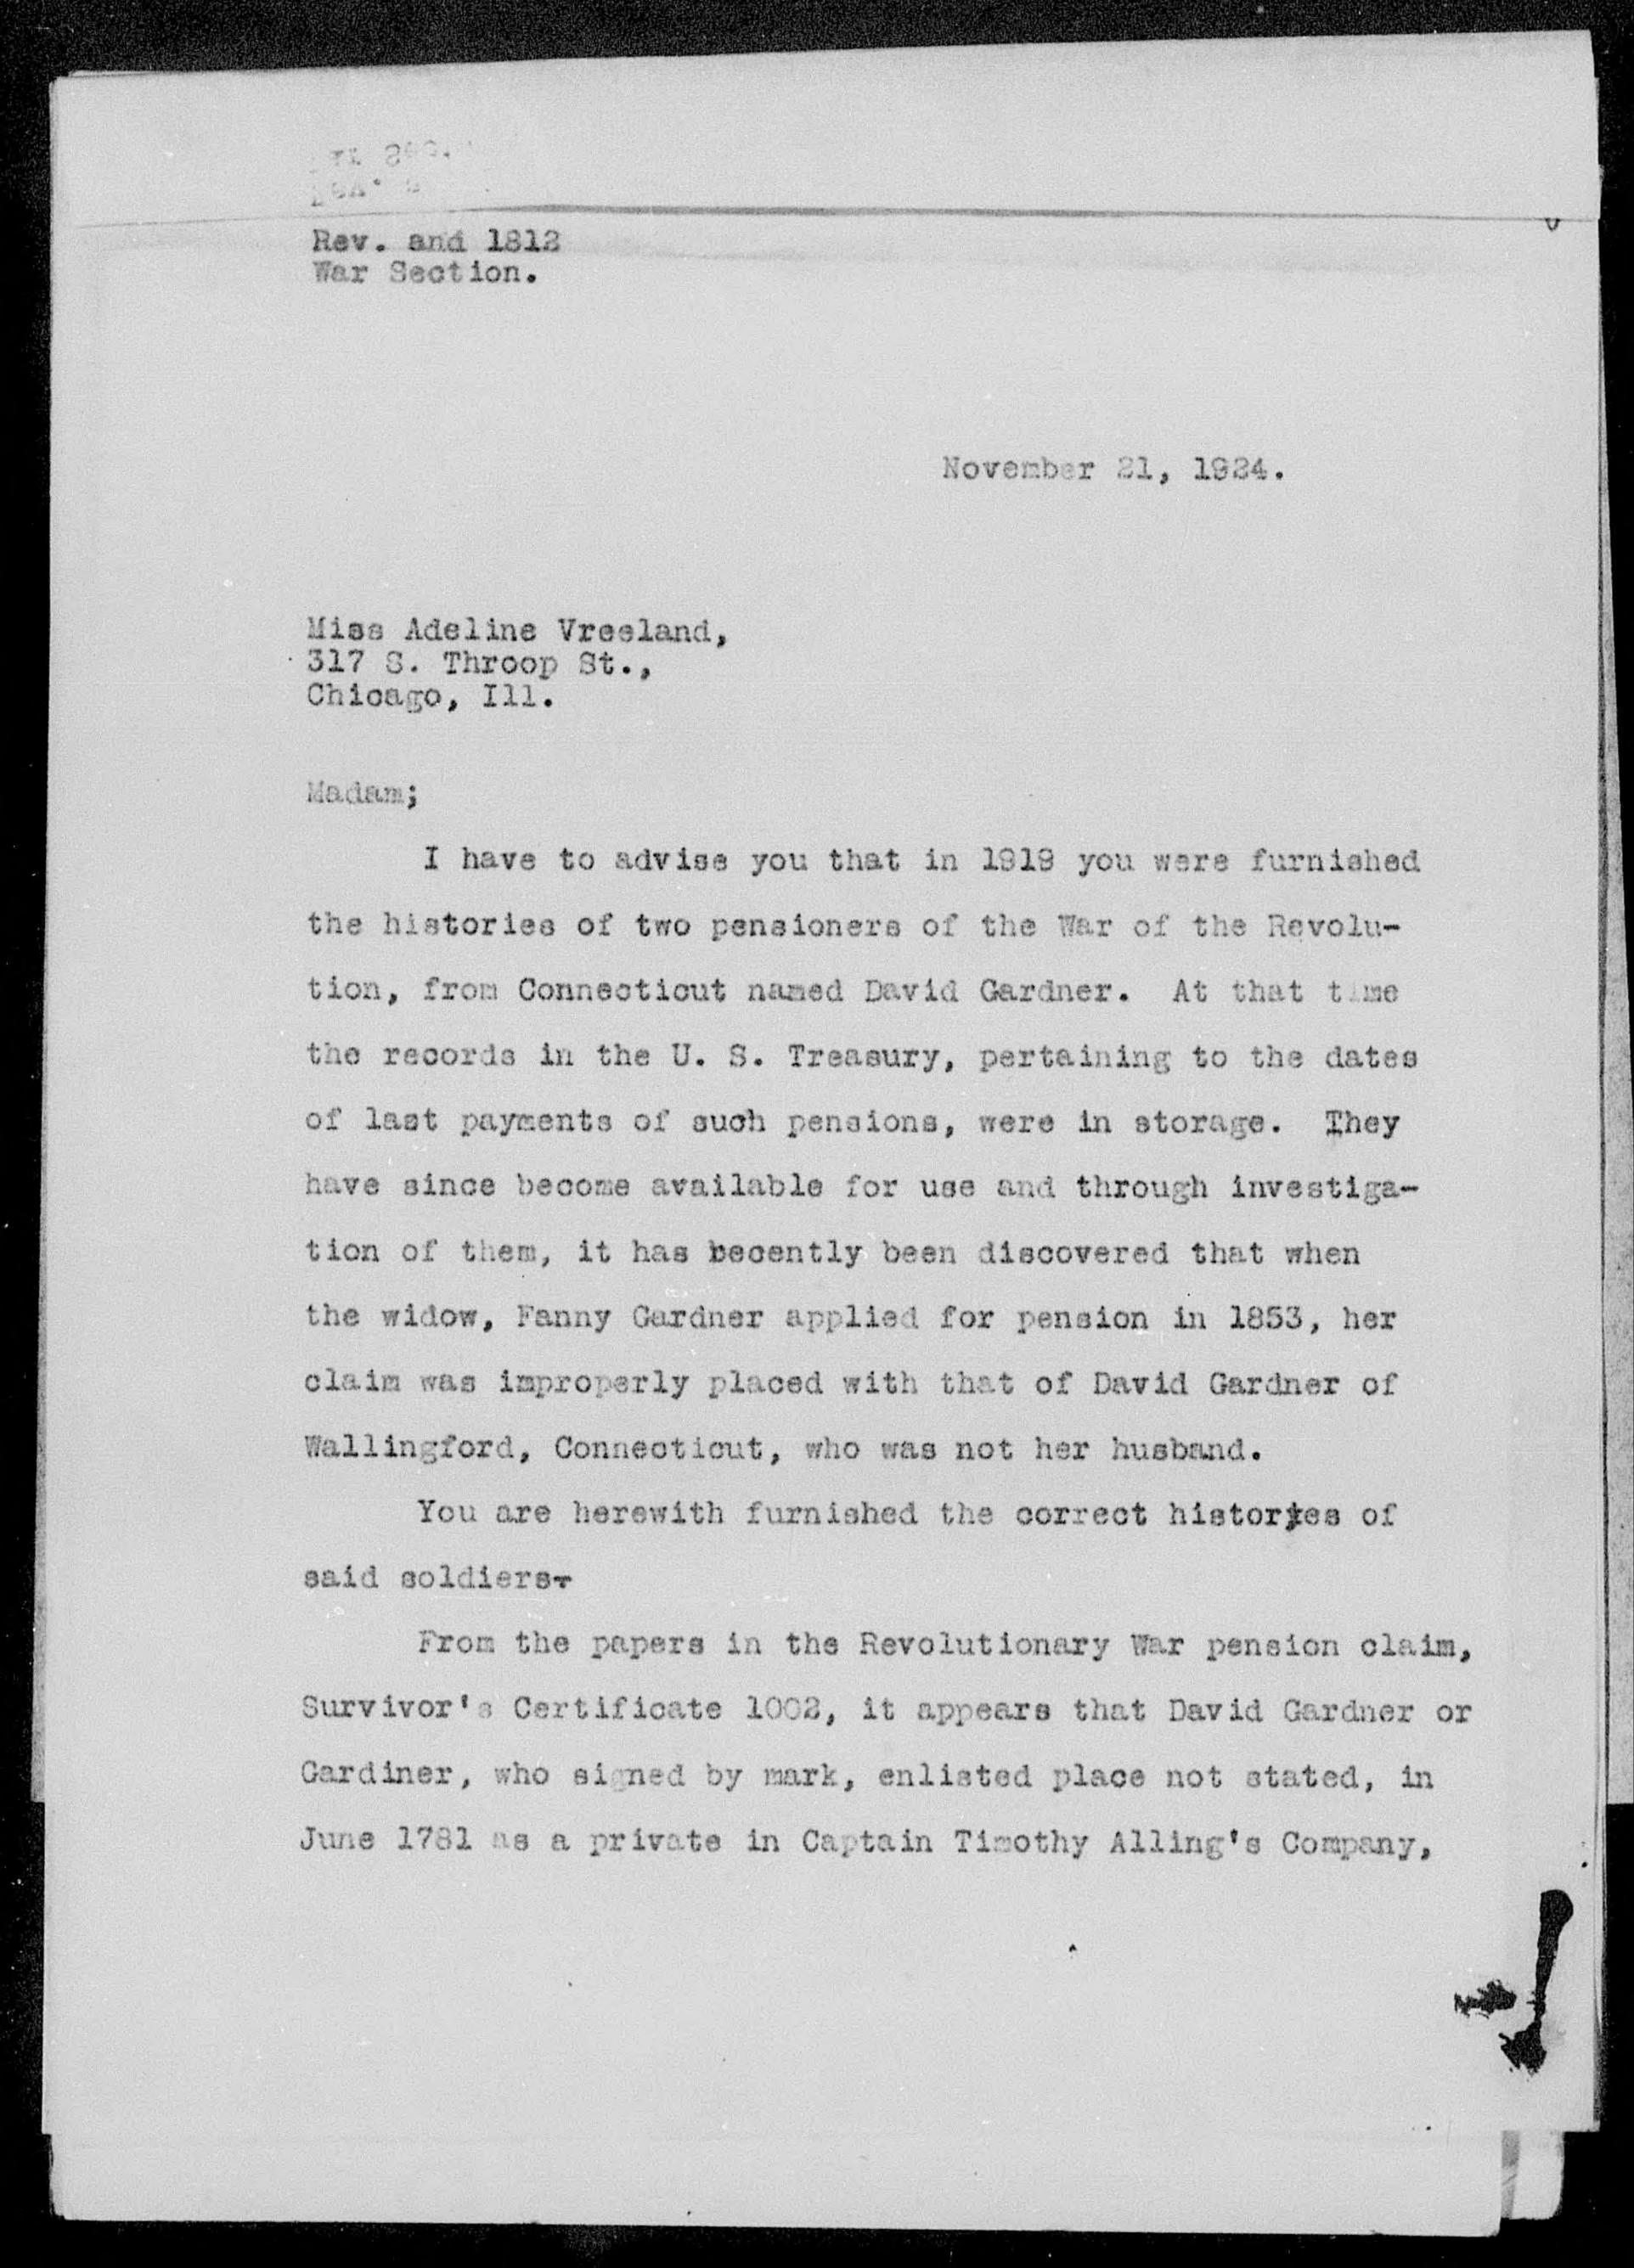Rev. and 1812
War Section.

November 21, 1924

Miss Adeline Vreeland,
317 S. Throop St.,
Chicago, Ill.

Madam:

I have to advise you that in 1919 you were furnished the histories of two pensioners of the War of the Revolution, from Connecticut named David Gardner. At that time the records in the U. S. Treasury, pertaining to the dates of last payments of such pensions, were in storage. They have since become available for use and through investigation of them, it has recently been discovered that when the widow, Fanny Gardner applied for pension in 1853, her claim was improperly placed with that of David Gardner of Wallingford, Connecticut, who was not her husband.
You are herewith furnished the correct histories of said soldiers.
From the papers in the Revolutionary War pension claim, Survivor's Certificate 1002, it appears that David Gardner or Gardiner, who signed by mark, enlisted place not stated, in June 1781 as a private in Captain Timothy Alling's Company.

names: David Gardner, Adeline Vreeland, Fanny Gardner, David Gardner, David Gardner, David Gardiner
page: 29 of 66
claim: widow's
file: W 1850, David Gardner, Conn.